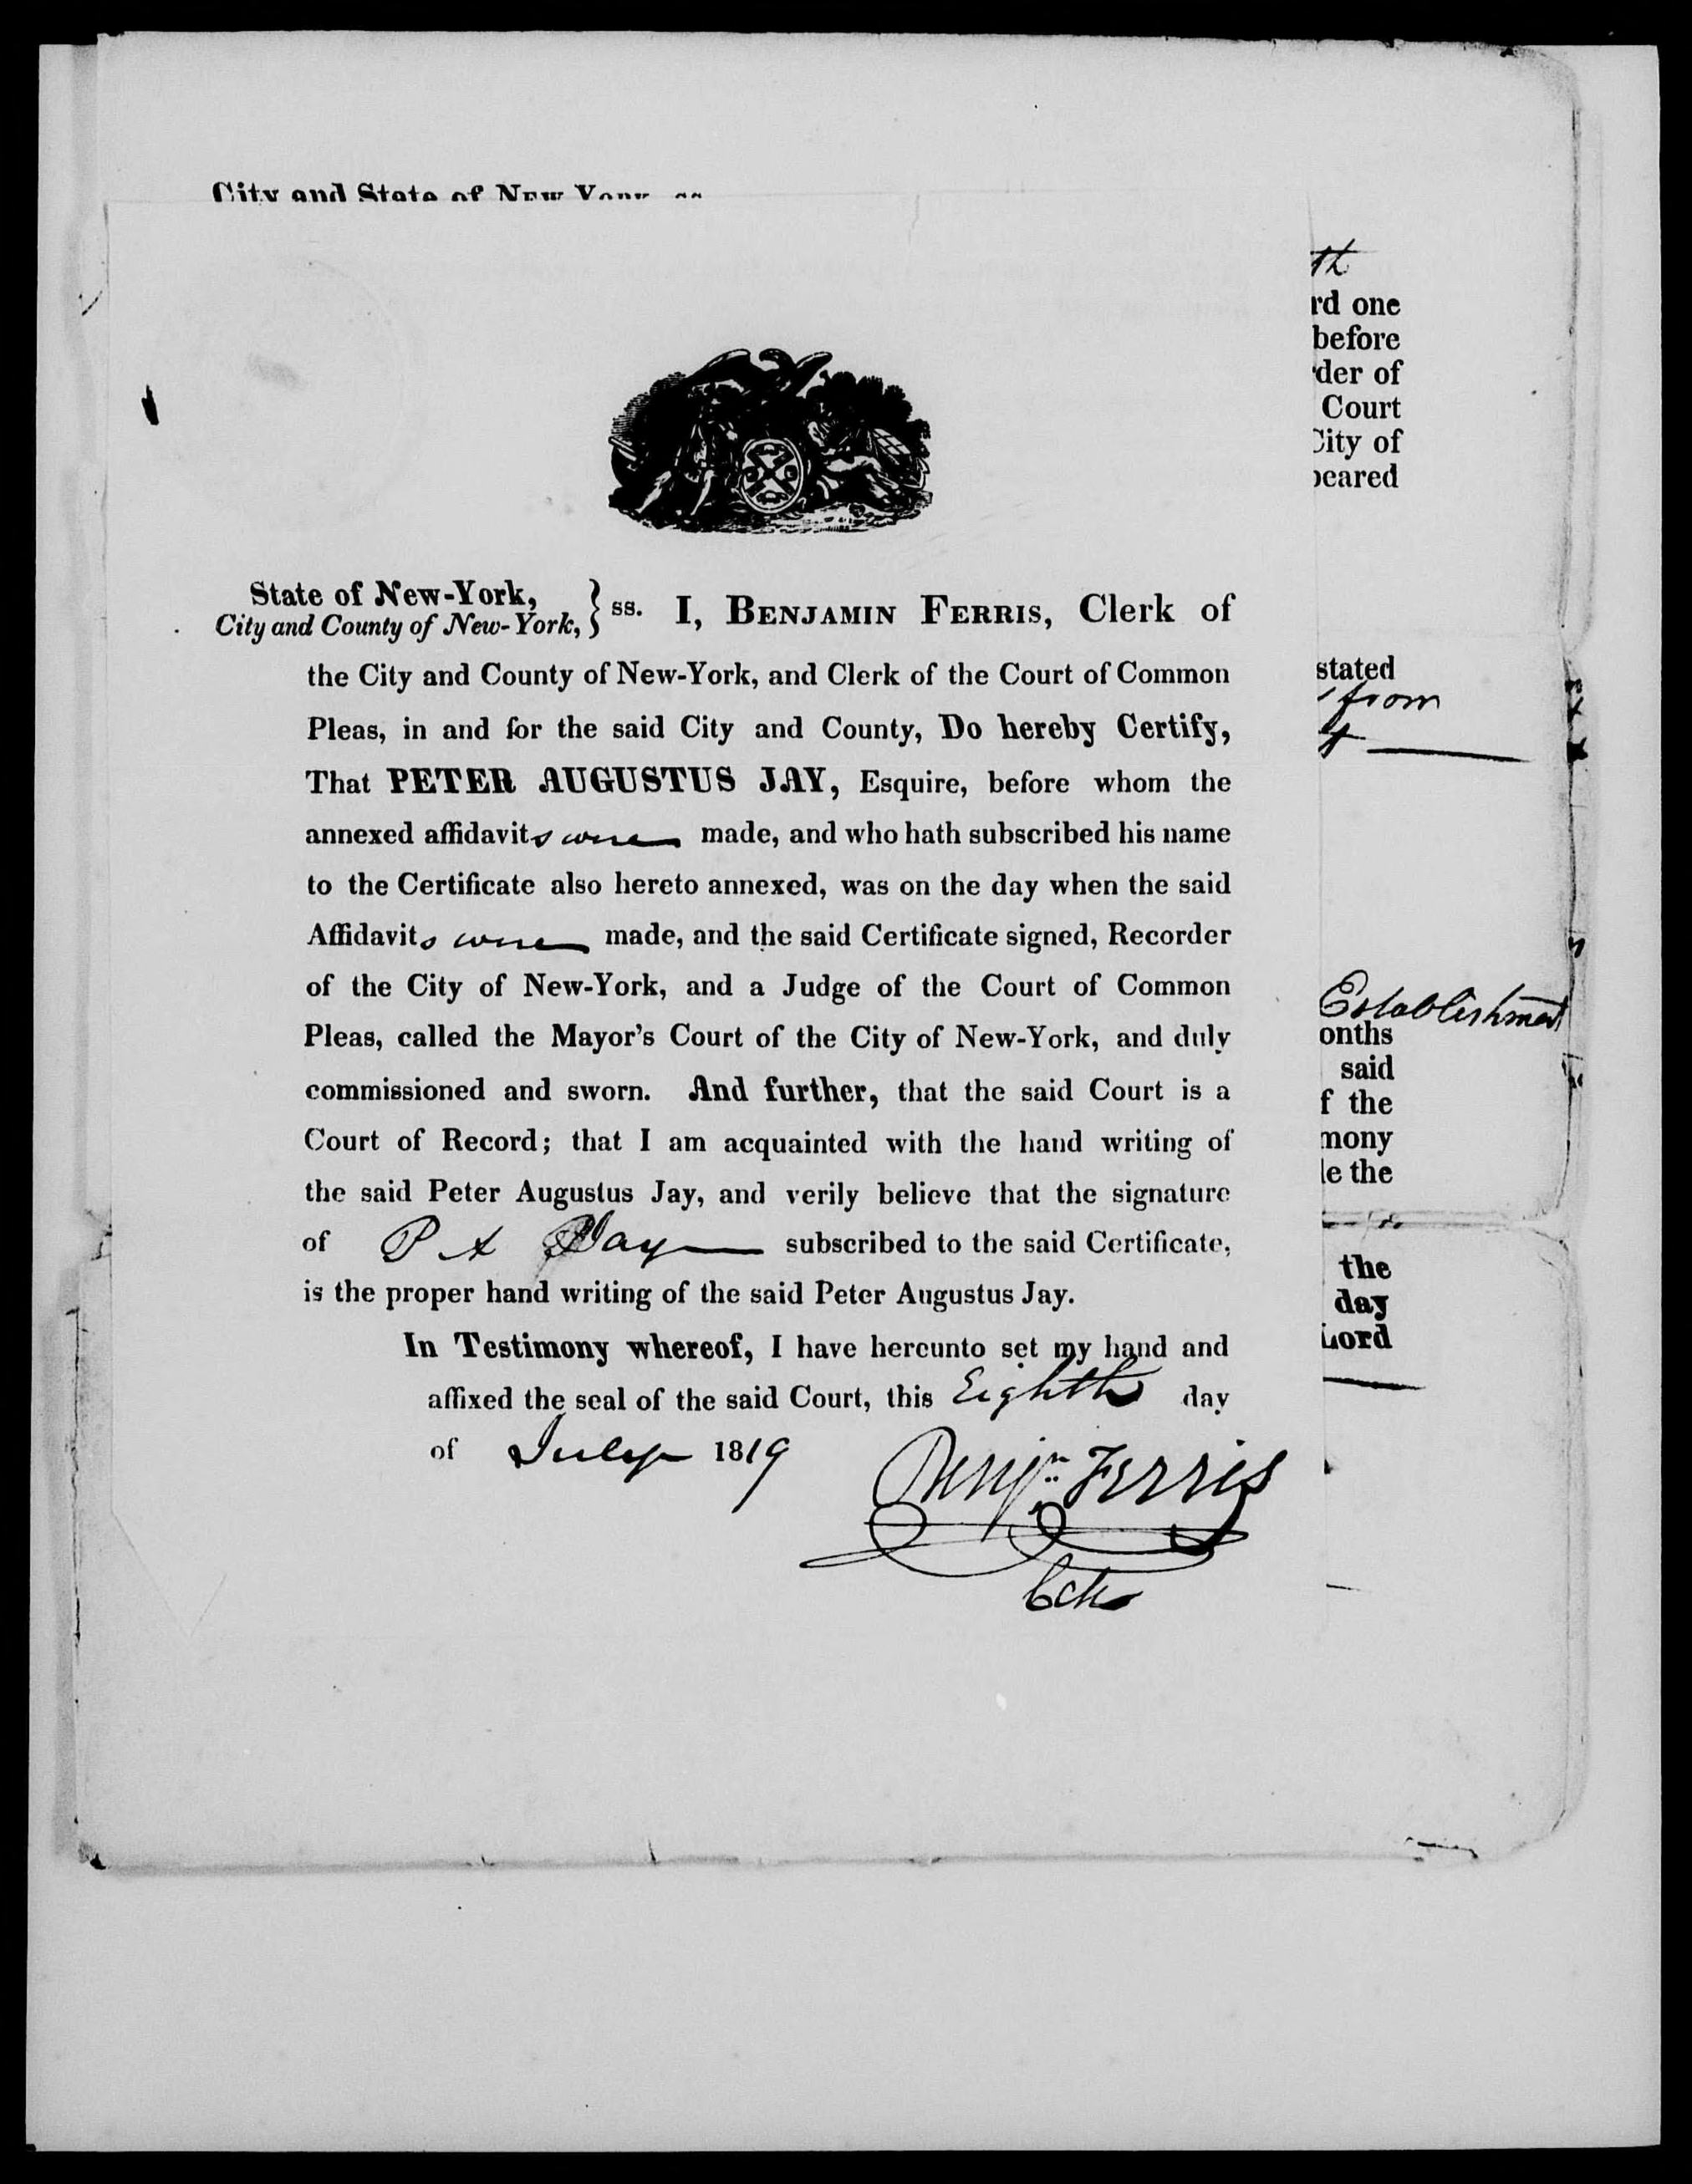[stamp of Court of Common Pleas]

State of New-York, City and County of New-York, ss. I, BENJAMIN FERRIS, Clerk of the City and County of New-York, and Clerk of the Court of Common Pleas, in and for the said City and County, Do hereby Certify, That PETER AUGUSTUS JAY, Esquire, before whom the annexed affidavit[handwritten s were] made, and who hath subscribed his name to the Certificate also hereto annexed, was on the day when the said Affidavit[handwritten s were] made, and the said Certificate signed, Recorder of the City of New York, and a Judge of the Court of Common Pleas, called the Mayor's Court of the City of New-York, and duly commissioned and sworn. And further, that the said Court is a Court of Record; that I am acquainted with the hand writing of the said Peter Augustus Jay, and verily believe that the signature of [handwritten P A Jay] subscribed to the said Certificate is the proper hand writing of the said Peter Augustus Jay. 

In Testimony whereof, I have hereunto set my hand and affixed the seal of the said Court, this [handwritten Eighth] day of [handwritten July] 18[handwritten 19]

[handwritten signature Benj Ferris] 
[handwritten Ccks]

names: Benjamin Ferris; Peter Augustus Jay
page: 14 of 39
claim: survivor's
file: S. 23802, for James Miner, Connecticut